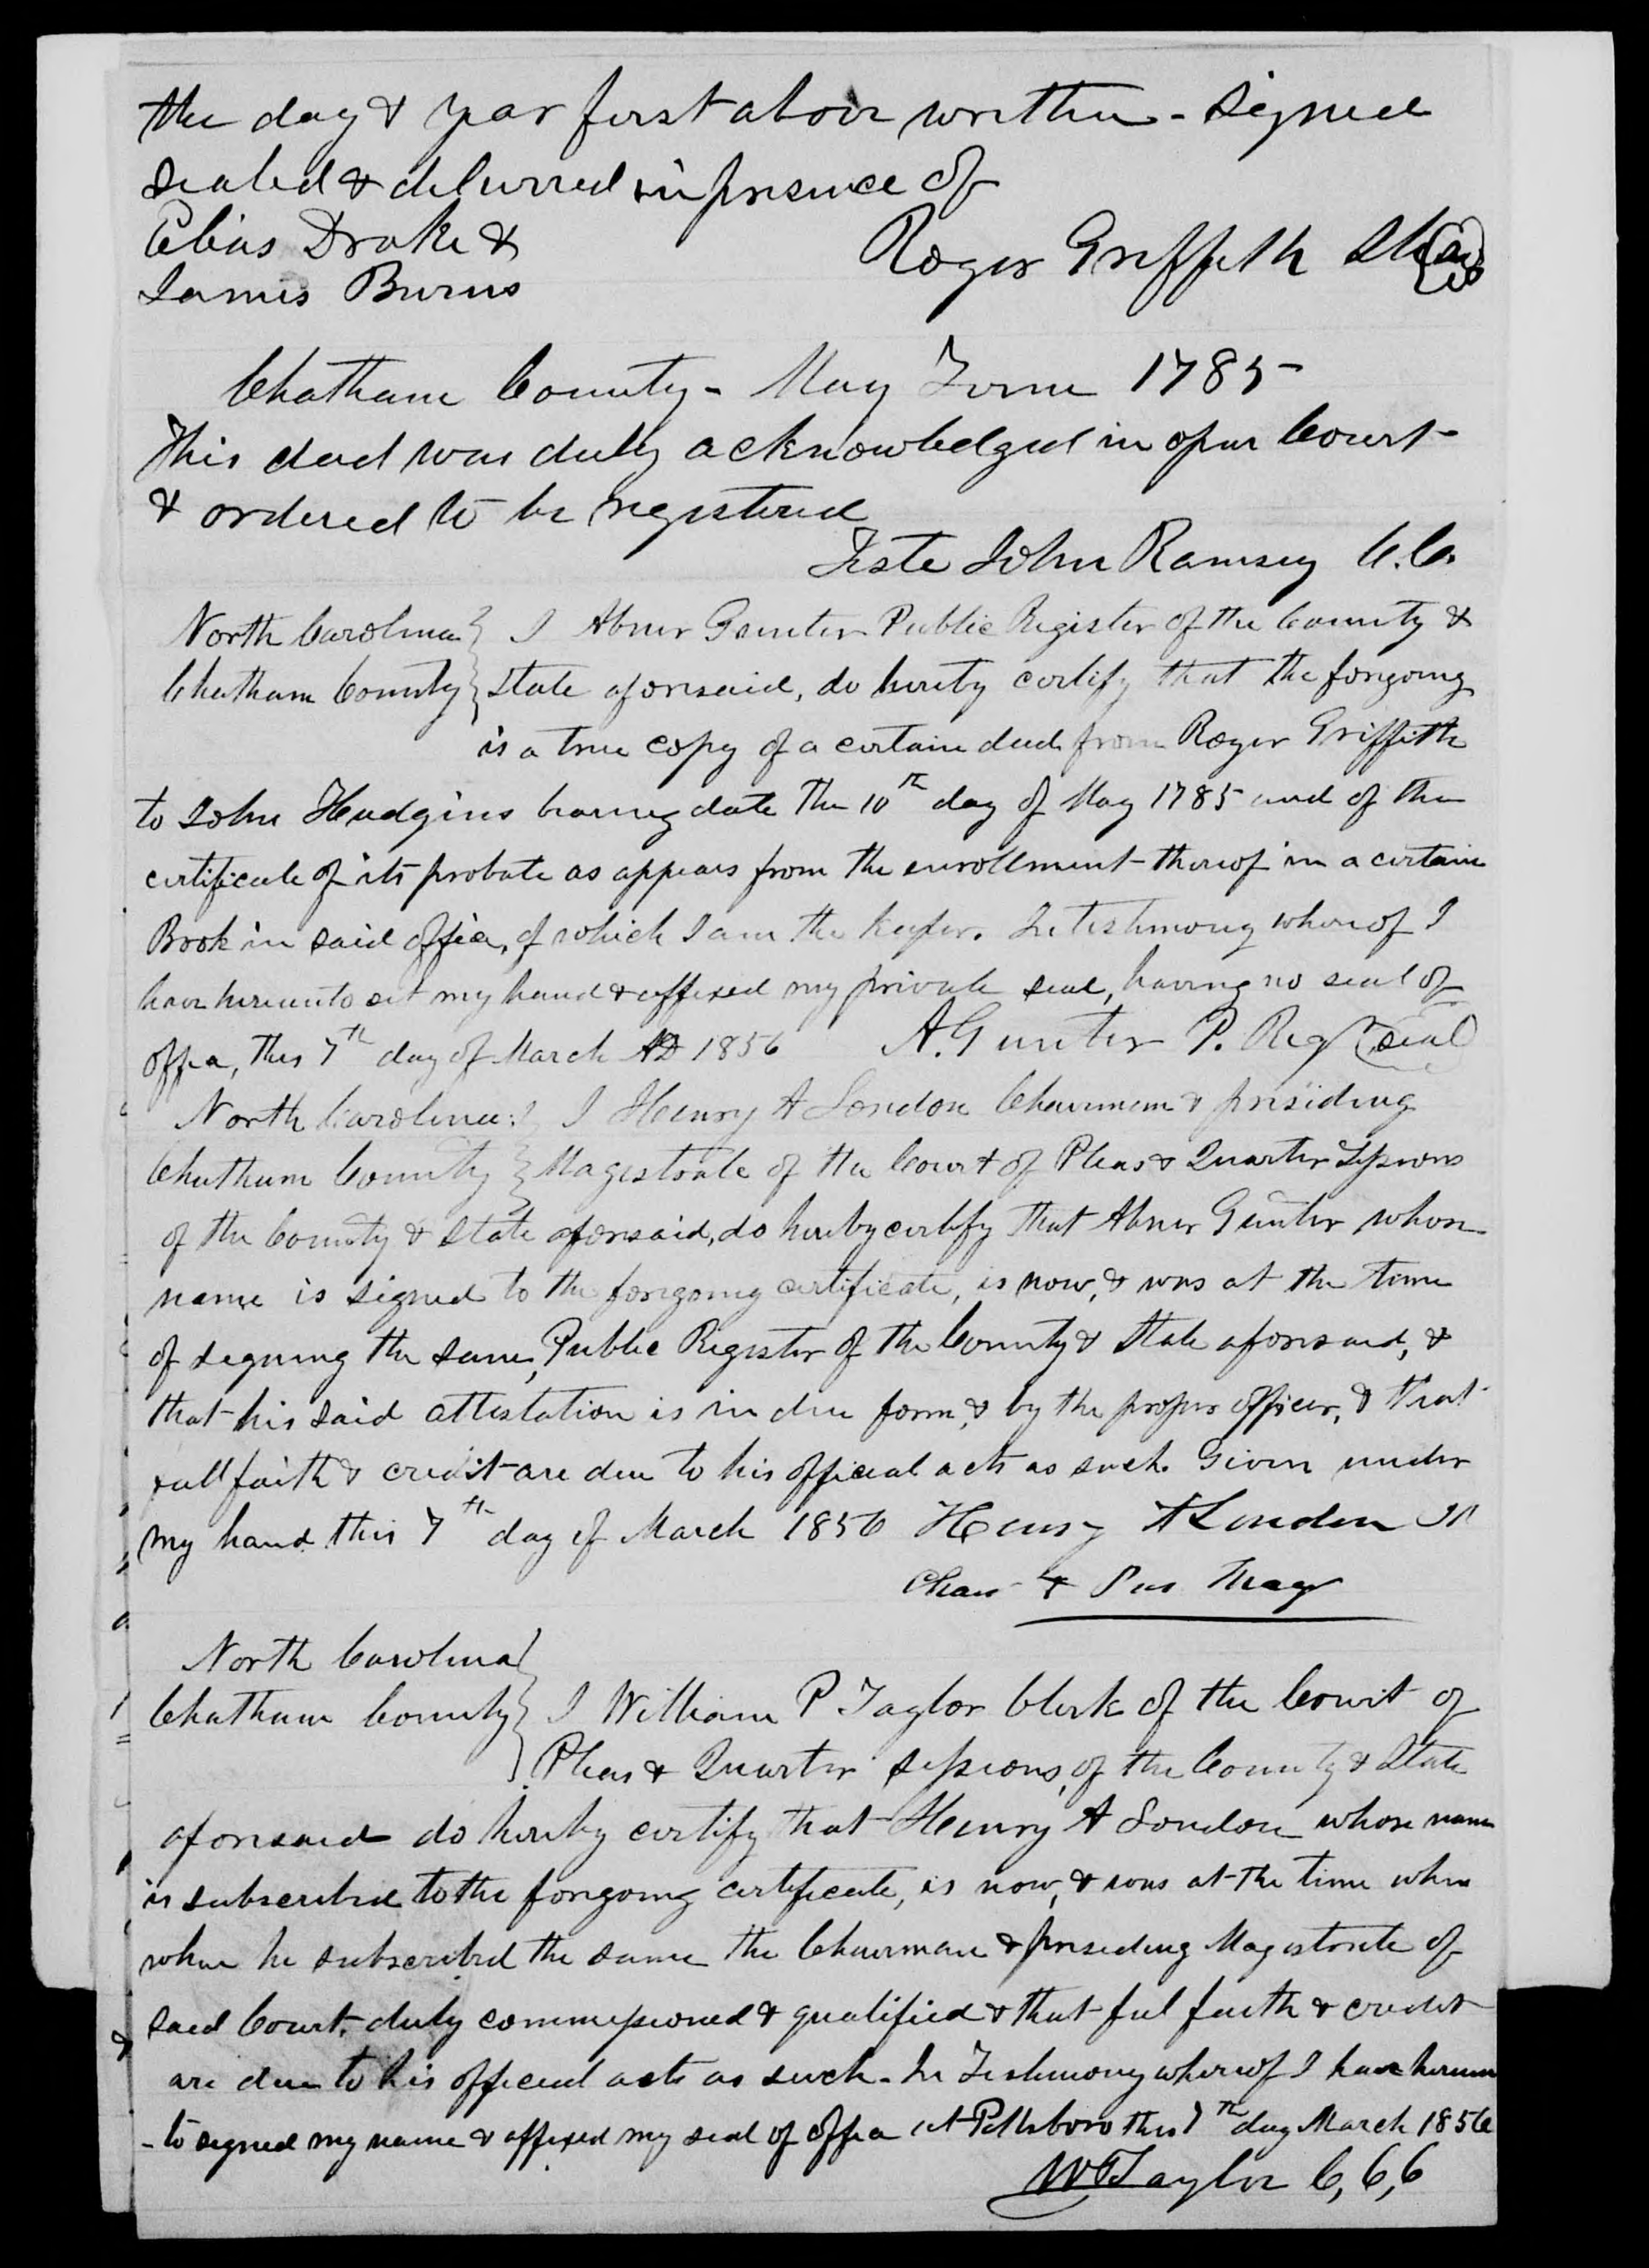The day & year first above written - signed sealed & delivered reference of Elias Drake & Roger Griffith James Bruno 
Chatham County - May from 1785 -
This clerk was dully acknowledged in open court - and ordered to be registered.
Date John Ramsey
North Carolina (squiggle line vertically after state name) Chatham county.  I Abner Gunter Public Registar of the county & state of onsaid, do hereby certify that the foregoing is a true copy of a certain deed from Roger Griffith to John Hudgins having date the 10th day of May 1785 and of this certificate of its probate as  appears from the enrollment there of in a certain book in said office of which I am the keeper. In testimony whereof I have hereunto set my hand & affixed my private seal having no seal of office this 7th day of March AD 1856.
Abner Gunter Register Seal North Carolina
I Henry A London Chairman & Residing in Chatham County (squiggle line vertically after county mentioned) Magistrate of the court of Pleas & (not legible) of the county & state of foresaid do hereby certify that Abner Gunther whom name is signed to the foregoing certificate, is now and was at the time of signing the same public registar of the county & state of aforesaid, & that his said attestation is in true form & by the proper officer & that in all faith & credit are due to his official act as such given under my hand this day of March 1856 Henry A London JC
Chair 4 Pen MSG
North Carolina
Chatham County (squiggle line vertically after county stated) I William P Taylor clerk of the court of Pleas & Quartin Sephora’s of the county & state aforesaid do dully certify that Henry A London whose name is subscribed to the foregoing certificate is now and was at the time where he subscribed the same Chairman and residing Magistrate of said court dully commissioned and qualified and that ful faith and credit are due to his official acts as such his testimony whereof I have hereby signed my name and affixed my seal of office at Pillsboro this 7th day March 1856 WP Taylor C.C.C.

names: Abner Gunter, Elias Drake, William P Taylor, John Hudgins, Henry A London, Roger Griffith, John Ramsey, James Burns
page: 72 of 108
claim: rejected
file: R. 7,515, John Hudgins, N.C.